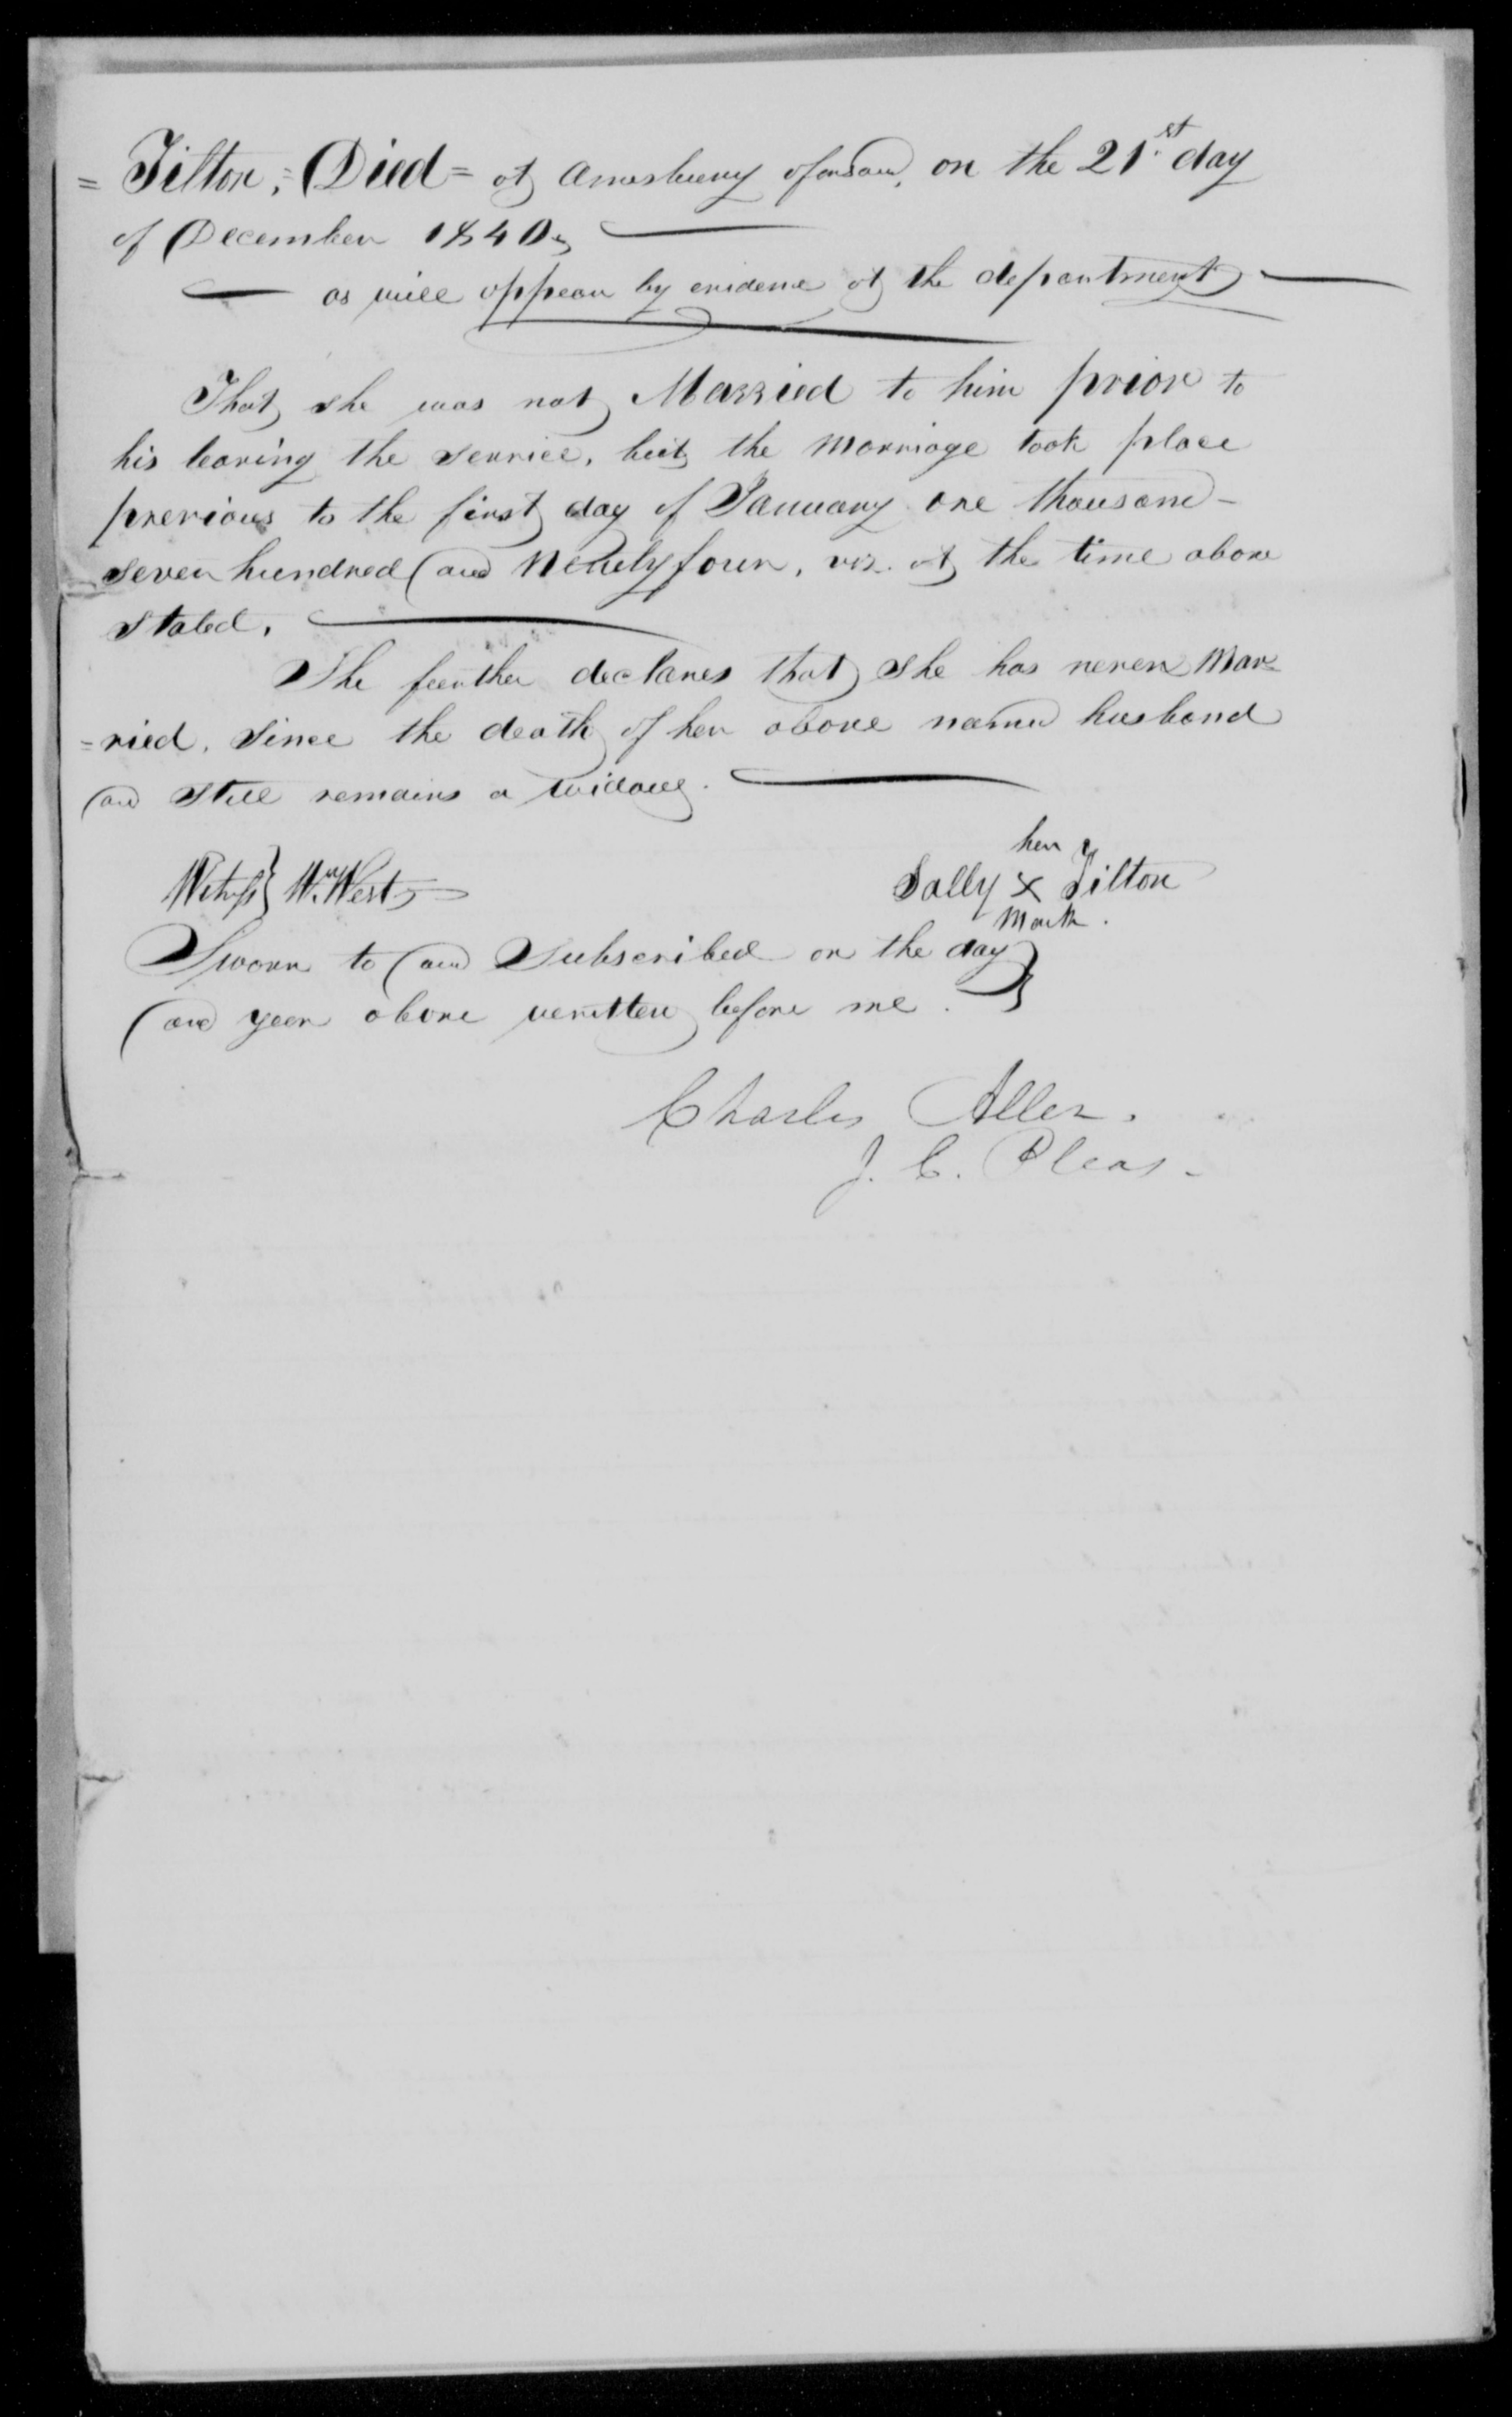Tilton, Died at Amesbury aforesaid, on the 21st day
of December 1840.
as will appear by evidence of the department
That she was not Married to him prior to
his leaving the service, but the marriage took place
previous to the first day of January one thousand seven hundred and ninety four, viz at the time above
stated,
She further declares that she has never Married since the death of her above named husband and still remains a widow.
Sally Tilton her mark x
Witness W. West
Sworn to and Subscribed on the day
and year above written before me
Charles Allen
J. C. Pleas-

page: 11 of 55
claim: widow's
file: W. 14,021, for Samuel Tilton, New Hampshire